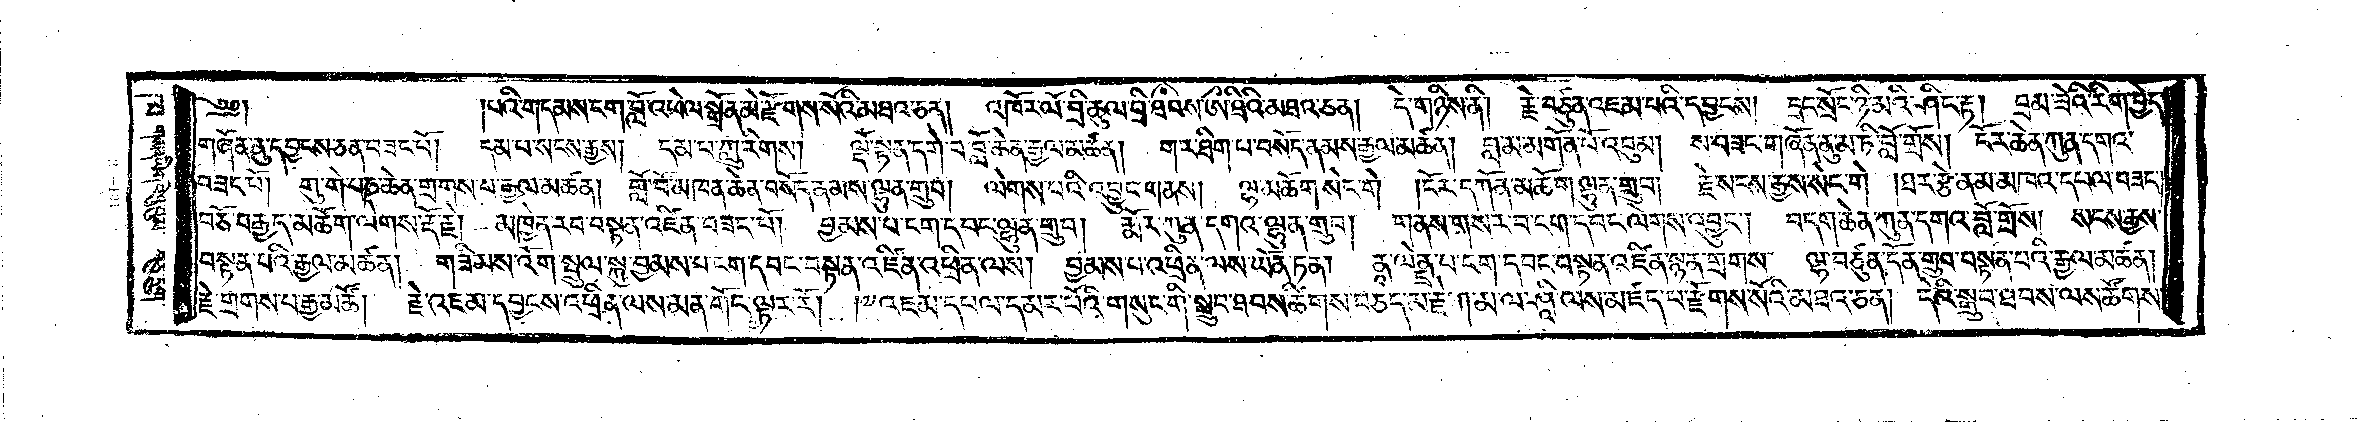༄༅། །པའི་གདམས་ངག་བློ་འཕེལ་སྒྲོན་མེ་རྫོགས་སོའི་མཐའ་ཅན། འཁོར་ལོ་བྲི་ཆུལ་བྲི་ཐབས་ཨྀ་ཐིའི་མཐའ་ཅན། དེ་གཉིས་ནི། རྗེ་བཙུན་འཇམ་པའི་དབྱངས། དྲང་སྲོང་ཉི་མའི་ཤིང་རྟ། བྲམ་ཟེའི་རིག་བྱེད་
གཞོན་ནུ་དབྱངས་ཅན་བཟང་པོ། དམ་པ་སངས་རྒྱས། དམ་པ་ཀླུ་རིགས། ལྡོ་སྟན་དགེ་བ་བློ་ཆེན་རྒྱལ་མཚན། གར་ཐིག་པ་བསོད་ནམས་རྒྱལ་མཚན། བླ་མ་མགོན་པོ་འབུམ། ས་བཟང་གཞོན་ནུ་མ་ཏི་བློ་གྲོས། ངོར་ཆེན་ཀུན་དགའ་
བཟང་པོ། གུ་གེ་པཎ་ཆེན་གྲགས་པ་རྒྱལ་མཚན། གློ་བོ་མཁན་ཆེན་བསོད་ནམས་ལྷུན་གྲུབ། ལེགས་པའི་འབྱུང་གནས། ལྷ་མཆོག་སེང་གེ །ངོར་དཀོན་མཆོག་ལྷུན་གྲུབ། རྗེ་སངས་རྒྱས་སེང་གེ །ཐར་རྩེ་ནམ་མཁའ་དཔལ་བཟང་
བཅོ་བརྒྱད་མཆོག་ལེགས་རྡོ་རྗེ། མཁྱེན་རབ་བསྟན་འཛིན་བཟང་པོ། བྱམས་པ་ངག་དབང་ལྷུན་གྲུབ། རྨོར་ཀུན་དགའ་ལྷུན་གྲུབ། གནས་གསར་བ་ངག་དབང་ལེགས་འབྱུང་། བདག་ཆེན་ཀུན་དགའ་བློ་གྲོས། སངས་རྒྱས་
བསྟན་པའི་རྒྱལ་མཚན། གཟིམས་འོག་སྤྲུལ་སྐུ་བྱམས་པ་ངག་དབང་བསྟན་འཛིན་འཕྲིན་ལས། བྱམས་པ་འཕྲིན་ལས་ཡོན་ཏན། ནཱ་ལེནྡྲ་པ་ངག་དབང་བསྟན་འཛིན་སྙན་གྲགས་ལྷ་བཙུན་དོན་གྲུབ་བསྟན་པའི་རྒྱལ་མཚན།
རྗེ་གྲགས་པ་རྒྱ་མཚོ། རྗེ་འཇམ་དབྱངས་འཕྲིན་ལས་མན་གོང་ལྟར་རོ། །༧འཇམ་དཔལ་དམར་པོའི་གསུང་གི་སྒྲུབ་ཐབས་ཚིགས་བཅད་མ་རྗེ་ཀ་མ་ལ་ཤཱི་ལས་མཛད་པ་རྫོགས་སོའི་མཐའ་ཅན། དེའི་སྒྲུབ་ཐབས་ལས་ཚོགས་